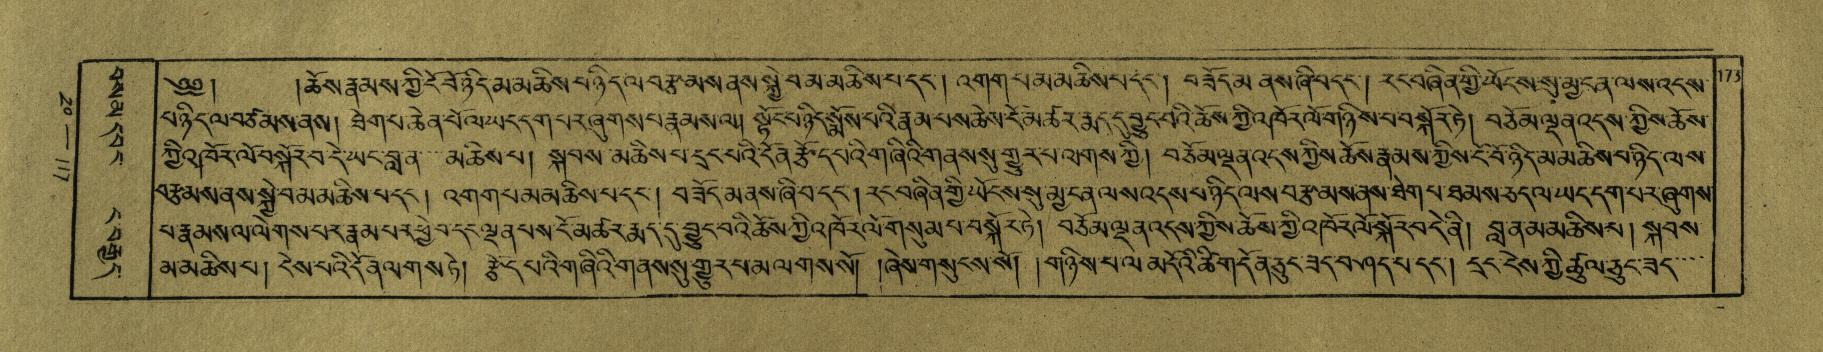༄༅། །ཆོས་རྣམས་ཀྱི་ངོ་བོ་ཉིད་མ་མཆིས་པ་ཉིད་ལ་བརྩམས་ནས་སྐྱེ་བ་མ་མཆིས་པ་དང་། འགག་པ་མ་མཆིས་པ་དང་། བཟོད་མ་ནས་ཞི་བ་དང་། རང་བཞིན་གྱི་ཡོངས་སུ་མྱ་ངན་ལས་འདས་
པ་ཉིད་ལ་བཙམས་ནས། ཐེག་པ་ཆེན་པོ་ལ་ཡང་དག་པར་ཞུགས་པ་རྣམས་ལ། སྟོང་པ་ཉིད་སྨོས་པའི་རྣམ་པས་ཆེས་ངོ་མཚར་རྨད་དུ་བྱུང་བའི་ཆོས་ཀྱི་འཁོར་ལོ་གཉིས་པ་བསྐོར་ཏེ། བཅོམ་ལྡན་འདས་ཀྱིས་ཆོས་
ཀྱི་འཁོར་ལོ་བསྐོར་བ་དེ་ཡང་བླ་ན་མཆིས་པ། སྐབས་མཆིས་པ་དྲང་པའི་དོན་རྩོད་པའི་གཞིའི་གནས་སུ་གྱུར་པ་ལགས་ཀྱི། བཅོམ་ལྡན་འདས་ཀྱིས་ཆོས་རྣམས་ཀྱིས་ངོ་བོ་ཉིད་མ་མཆིས་པ་ཉིད་ལས་
བརྩམས་ནས་སྐྱེ་བ་མ་མཆིས་པ་དང་། འགག་པ་མ་མཆིས་པ་དང་། བཟོད་མ་ནས་ཞི་བ་དང་། རང་བཞིན་གྱི་ཡོངས་སུ་མྱ་ངན་ལས་འདས་པ་ཉིད་ལས་བརྩམས་ནས་ཐེག་པ་ཐམས་ཅད་ལ་ཡང་དག་པར་ཞུགས་
པ་རྣམས་ལ་ལེགས་པར་རྣམ་པར་ཕྱེ་བ་དང་ལྡན་པས་ངོ་མཚར་རྨད་དུ་བྱུང་བའི་ཆོས་ཀྱི་འཁོར་ལོ་གསུམ་པ་བསྐོར་ཏེ། བཅོམ་ལྡན་འདས་ཀྱིས་ཆོས་ཀྱི་འཁོར་ལོ་སྐོར་བ་དེ་ནི། བླ་ན་མ་མཆིས་པ། སྐབས་
མ་མཆིས་པ། ངེས་པའི་དོན་ལགས་ཏེ། རྩོད་པའི་གཞིའི་གནས་སུ་གྱུར་པ་མ་ལགས་སོ། །ཞེས་གསུངས་སོ། །གཉིས་པ་ལ་མདོའི་ཚིག་དོན་ཅུང་ཟད་བཤད་པ་དང་། དྲང་ངེས་ཀྱི་ཚུལ་ཅུང་ཟད་